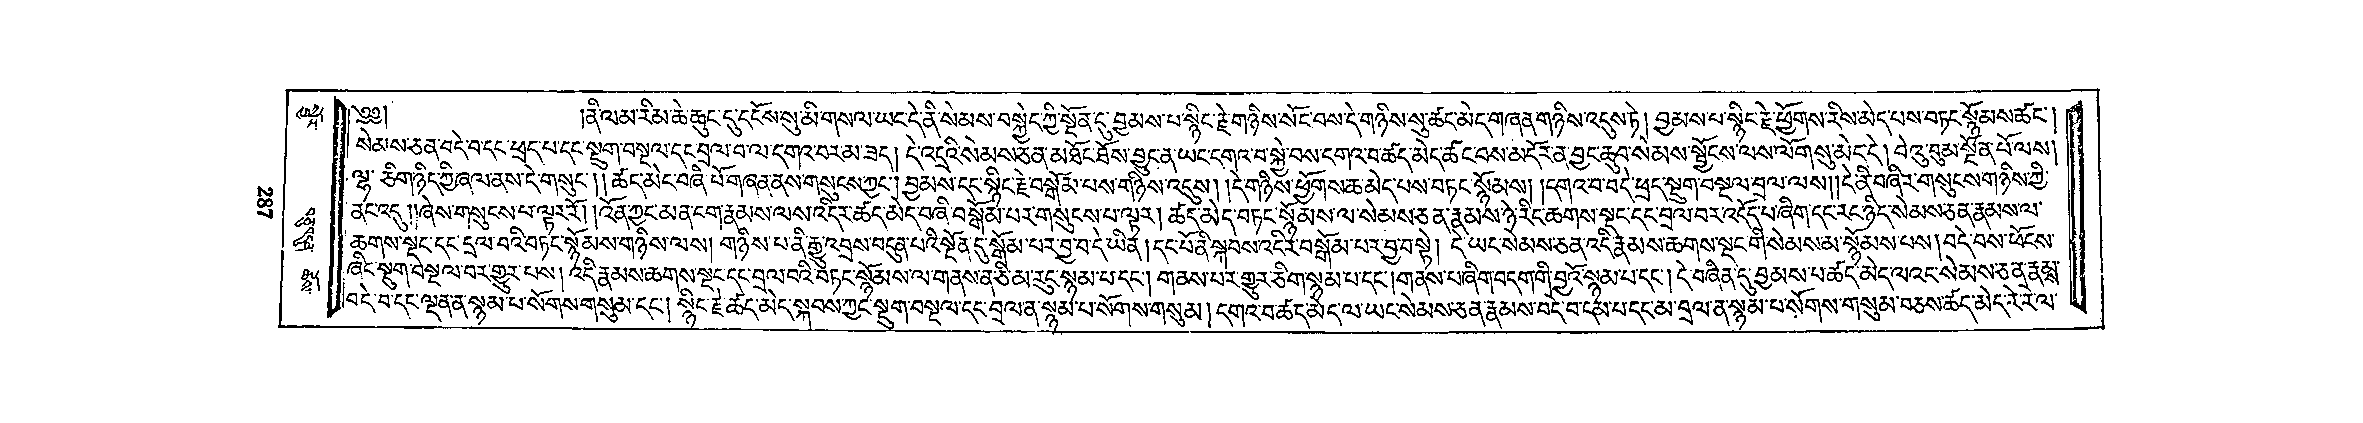༄༅། །ནི་ལམ་རིམ་ཆེ་ཆུང་དུ་དངོས་སུ་མི་གསལ་ཡང་དེ་ནི་སེམས་བསྐྱེད་ཀྱི་སྔོན་དུ་བྱམས་པ་སྙིང་རྗེ་གཉིས་སོང་བས་དེ་གཉིས་སུ་ཚད་མེད་གཞན་གཉིས་འདུས་ཏེ། བྱམས་པ་སྙིང་རྗེ་ཕྱོགས་རིས་མེད་པས་བཏང་སྙོམས་ཚང་།
སེམས་ཅན་བདེ་བ་དང་ཕྲད་པ་དང་སྡུག་བསྔལ་དང་བྲལ་བ་ལ་དགའ་བར་མ་ཟད། དེ་འདྲའི་སེམས་ཅན་མཐོང་ཐོས་བྱུང་ན་ཡང་དགའ་བ་སྐྱེ་བས་དགའ་བ་ཚད་མེད་ཚང་བས་མདོར་ན་བྱང་ཆུབ་སེམས་སྦྱོངས་ལས་ལོགས་སུ་མེད་དེ། བེའུ་བུམ་སྔོན་པོ་ལས།
ལྷ་ཅིག་ཉིད་ཀྱི་ཞལ་ནས་དེ་གསུང་། །ཚད་མེད་བཞི་པོ་གཞན་ནས་གསུངས་ཀྱང་། བྱམས་དང་སྙིང་རྗེ་བསྒོམ་པས་གཉིས་འདུས། །དེ་གཉིས་ཕྱོགས་ཆ་མེད་པས་བཏང་སྙོམས། །དགའ་བ་བདེ་ཕྲད་སྡུག་བསྔལ་བྲལ་ལས། །དེ་ནི་བཞིར་གསུངས་གཉིས་ཀྱི་
ནང་འདུ། །ཞེས་གསུངས་པ་ལྟར་རོ། །འོན་ཀྱང་མན་ངག་རྣམས་ལས་འདིར་ཚད་མེད་བཞི་བསྒོམ་པར་གསུངས་པ་ལྟར། ཚད་མེད་བཏང་སྙོམས་ལ་སེམས་ཅན་རྣམས་ཉེ་རིང་ཆགས་སྡང་དང་བྲལ་བར་འདོད་པ་ཞིག་དང་རང་ཉིད་སེམས་ཅན་རྣམས་ལ་
ཆགས་སྡང་དང་དྲལ་བའི་བཏང་སྙོམས་གཉིས་ལས། གཉིས་པ་ནི་རྒྱུ་འབྲས་བདུན་པའི་སྔོན་དུ་སྒོམ་པར་བྱ་བ་དེ་ཡིན། དང་པོ་ནི་སྐབས་འདིར་བསྒོམ་པར་བྱ་བ་སྟེ། དེ་ཡང་སེམས་ཅན་འདི་རྣམས་ཆགས་སྡང་གི་སེམས་མ་སྙོམས་པས། བདེ་བས་ཕོངས་
ཞིང་སྡུག་བསྔལ་བར་གྱུར་པས། འདི་རྣམས་ཆགས་སྡང་དང་བྲལ་བའི་བཏང་སྙོམས་ལ་གནས་ན་ཅི་མ་རུང་སྙམ་པ་དང་། གནས་པར་གྱུར་ཅིག་སྙམ་པ་དང་། གནས་པ་ཞིག་བདག་གི་བྱའོ་སྙམ་པ་དང་། དེ་བཞིན་དུ་བྱམས་པ་ཚད་མེད་ལའང་སེམས་ཅན་རྣམས་
བདེ་བ་དང་ལྡན་ན་སྙམ་པ་སོགས་གསུམ་དང་། སྙིང་རྗེ་ཚད་མེད་སྐབས་ཀྱང་སྡུག་བསྔལ་དང་བྲལ་ན་སྙམ་པ་སོགས་གསུམ། དགའ་བ་ཚད་མེད་ལ་ཡང་སེམས་ཅན་རྣམས་བདེ་བ་དམ་པ་དང་མ་བྲལ་ན་སྙམ་པ་སོགས་གསུམ་བཅས་ཚད་མེད་རེ་རེ་ལ་